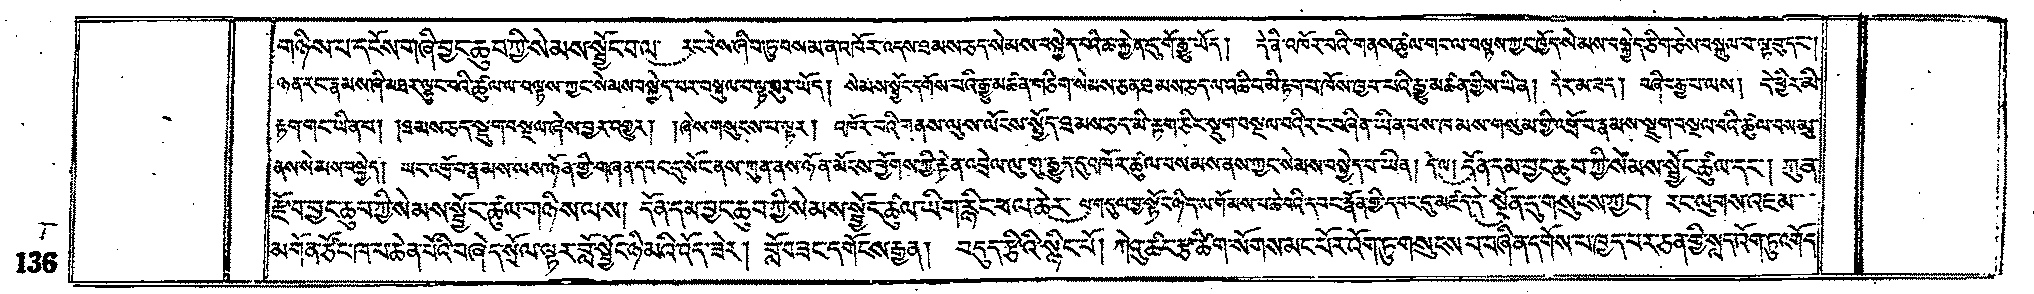གཉིས་པ་དངོས་གཞི་བྱང་ཆུབ་ཀྱི་སེམས་སྦྱོང་བ་ལ་རང་རེས་ཞིབ་ཏུ་བསམ་ན་འཁོར་འདས་ཐམས་ཅད་སེམས་བསྐྱེད་པའི་ཆ་རྐྱེན་དུ་གོ་རྒྱུ་ཡོད། དེ་ནི་འཁོར་བའི་གནས་ཚུལ་གང་ལ་བལྟས་ཀྱང་ཁྱོད་སེམས་བསྐྱེད་ཅིག་ཅེས་བསྐུལ་བ་ལྟ་བུ་དང་།
ཉན་རང་རྣམས་ཞི་མཐར་ལྷུང་བའི་ཚུལ་ལ་བལྟས་ཀྱང་སེམས་བསྐྱེད་བར་བསྐུལ་བ་ལྟ་བུར་ཡོད། སེམས་སྦྱོང་དགོས་པའི་རྒྱུ་མཚན་གཅིག་སེམས་ཅན་ཐམས་ཅད་ལ་འཆི་བ་མི་རྟག་པ་ཁོས་ཁྱབ་པའི་རྒྱུ་མཚན་གྱིས་ཡིན། དེར་མ་ཟད། བཞི་བརྒྱ་པ་ལས། དེ་ཕྱིར་མི་
རྟག་གང་ཡིན་པ། །ཐམས་ཅད་སྡུག་བསྔལ་ཞེས་བྱར་འགྱུར། །ཞེས་གསུངས་པ་ལྟར། འཁོར་བའི་གནས་ལུས་ལོངས་སྤྱོད་ཐམས་ཅད་མི་རྟག་ཅིང་སྡུག་བསྔལ་བའི་རང་བཞིཨིན་པས་ཁམས་གསུམ་གྱི་འགྲོ་བ་རྣམས་སྡུག་བསྔལ་བའི་ཚུལ་བསམས་
ནས་སེམས་བསྐྱེད། ཡང་འགྲོ་བ་རྣམས་ལས་ཉོན་གྱི་གཞན་དབང་དུ་སོང་ནས་ཀུན་ནས་ཉོན་མོངས་ཕྱོགས་ཀྱི་རྟེན་འབྲེལ་ལུ་གུ་རྒྱུད་དུ་འཁོར་ཚུལ་བསམས་ནས་ཀྱང་སེམས་བསྐྱེད་པ་ཡིན། དེ་ལ། དོན་དམ་བྱང་ཆུབ་ཀྱི་སེམས་སྦྱོང་ཚུལ་དང་། ཀུན་
རྫོབ་བྱང་ཆུབ་ཀྱི་སེམས་སྦྱོང་ཚུལ་གཉིས་ལས། དོན་དམ་བྱང་ཆུབ་ཀྱི་སེམས་སྦྱོང་ཚུལ་ཡིག་རྙིང་ཕལ་ཆེར་ལ་གདུལ་བྱ་སྟོང་ཉིད་ལ་གོམས་པ་ཆེ་བའི་དབང་རྣོན་གྱི་དབང་དུ་མཛད་དེ་སྔོན་དུ་གསུངས་ཀྱང་། རང་ལུགས་འཇམ་་་
མགོན་ཙོང་ཁ་པ་ཆེན་པོའི་བཞེད་སྲོལ་ལྟར་བློ་སྦྱོང་ཉི་མའི་འོད་ཟེར། བློ་བཟང་དགོངས་རྒྱན། བདུད་རྩིའི་སྙིང་པོ། ཀེའུ་ཚང་རྩ་ཚིག་སོགས་མང་པོར་འོག་ཏུ་གསུངས་པ་བཞིན་དགོས་པ་ཁྱད་པར་ཅན་གྱི་སླད་འོག་ཏུ་འགོད་